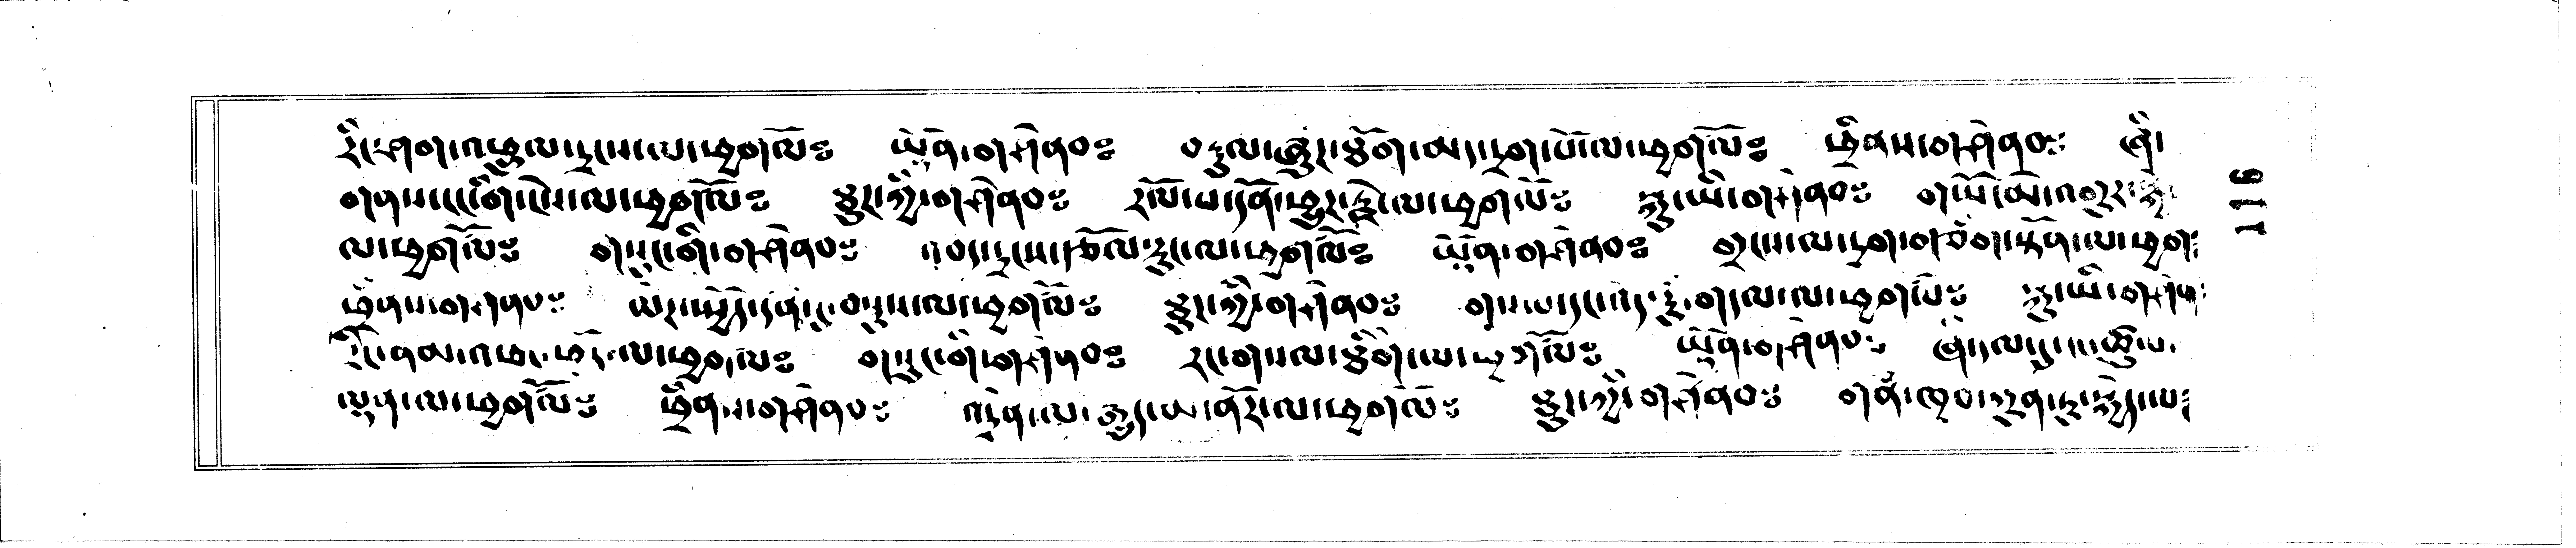རིང་ཤག་འཕྲུལ་དྲང་ལ་ཕྱག་འཚལ་ལོཿ ཡོན་ཏན་གྱི་གཤེན་རབཿ བརྡུལ་ཞུགས་ཐོགས་མེ་དྲག་པོ་ལ་ཕྱག་འཚལ་ལོཿ ཕྲིན་ལས་ཀྱི་གཤེན་རབཿ ཞི་
གནས་ངང་གིས་ངེས་ལ་ཕྱག་འཚལ་ལོཿ ཐུགས་ཀྱི་གཤེན་རབཿ རོལ་པ་དོན་ཕྱུགས་རྗེ་ལ་ཕྱག་འཚལ་ལོཿ སྐུ་ཡི་གཤེན་རབཿ གཡོ་མེད་འགུལ་སྐྱེད་
ལ་ཕྱག་འཚལ་ལོཿ གསུང་གི་གཤེན་རབ་ལཿ འབད་དྲང་རྩོལ་རུང་ལ་ཕྱག་འཚལ་ལོཿ ཡོན་ཏན་གྱི་གཤེན་རབཿ གྲང་ལ་དྲག་གཅིག་སྟོན་ལ་ཕྱག་འཚལ་ལོཿ 
ཕྲིན་ལས་ཀྱི་གཤེན་རབཿ ལེགས་སྤྱོད་དོན་དུ་སྡུད་ལ་ཕྱག་འཚལ་ལོཿ ཐུགས་ཀྱི་གཤེན་རབཿ གསལ་དང་འོད་རུམ་བདལ་ལ་ཕྱག་འཚལ་ལོཿ སྐུ་ཡི་གཤེན་
རབཿ རིང་ནམ་འཕང་ཕྱོད་ལ་ཕྱག་འཚལ་ལོཿ གསུང་གི་གཤེན་རབཿ རང་གསལ་ཐིག་ལེ་ལ་ཕྱག་འཚལ་ལོཿ ཡོན་ཏན་གྱི་གཤེན་རབཿ ཞི་དལ་དུ་ངང་ཚུལ་
ལྡན་ལ་ཕྱག་འཚལ་ལོཿ ཕྲིན་ལས་ཀྱི་གཤེན་རབཿ འདྲེན་ལམ་རྒྱུད་མ་ནོར་ལ་ཕྱག་འཚལ་ལོཿ ཐུགས་ཀྱི་གཤེན་རབཿ གནམ་ཁྱབ་ཀུན་ཏུ་སྐྱེད་ལ་ཕྱག་འཚལ་ལོཿ